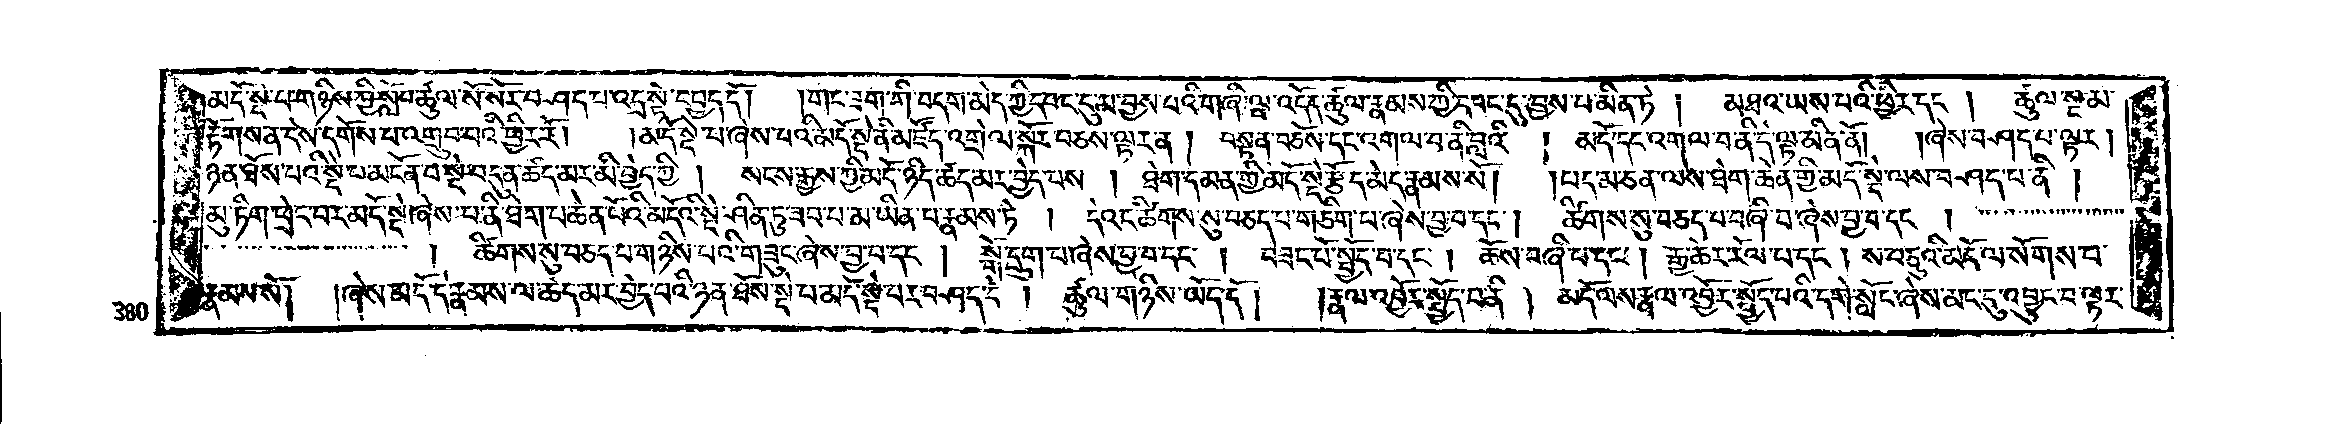མདོ་སྡེ་པ་གཉིས་ཀྱི་སློབ་ཚུལ་སོ་སོར་བཤད་པ་འདྲ་སྟེ་དཔྱད་དོ། །གང་ཟག་གི་བདག་མེད་ཀྱི་དབང་དུ་མ་བྱས་པའི་གཞི་ལྔ་འདོད་ཚུལ་རྣམས་ཀྱི་དབང་དུ་བྱས་པ་མིན་ཏེ། མཐའ་ཡས་པའི་ཕྱིར་དང་། ཚུལ་སྔ་མ་
རྟོགས་ན་དེས་དགོས་པ་འགྲུབ་པའི་ཕྱིར་རོ། །མདོ་སྡེ་པ་ཞེས་པའི་མདོ་སྡེ་ནི་མཛོད་འགྲེལ་སྐོར་བཅས་ལྟར་ན། བསྟན་བཅོས་དང་འགལ་བ་ནི་བླའི། མདོ་དང་འགལ་བ་ནི་དེ་ལྟ་མིན་ནོ། །ཞེས་བཤད་པ་ལྟར།
ཉན་ཐོས་པའི་སྡེ་པ་མངོན་པ་སྡེ་བདུན་ཚད་མར་མི་བྱེད་ཀྱི། སངས་རྒྱས་ཀྱི་མདོ་ཉིད་ཚད་མར་བྱེད་པས། ཐེག་དམན་གྱི་མདོ་སྡེ་རྩོད་མེད་རྣམས་སོ། །པད་མ་ཅན་ལས་ཐེག་ཆེན་གྱི་མདོ་སྡེ་ལས་བཤད་པ་ནི།
མུ་ཏིག་ཕྲེང་བར་མདོ་སྡེ་ཞེས་པ་ནི་ཐེག་པ་ཆེན་པོའི་མདོའི་སྡེ་ཤིན་ཏུ་ཟབ་པ་མ་ཡིན་པ་རྣམས་ཏེ། དེའང་ཚིགས་སུ་བཅད་པ་གཅིག་པ་ཞེས་བྱ་བ་དང་། ཚིགས་སུ་བཅད་པ་བཞི་པ་ཞེས་བྱ་བ་དང་།
།ཚིགས་སུ་བཅད་པ་གཉིས་པའི་གཟུང་ཞེས་བྱ་བ་དང་། སྒོ་དྲུག་པ་ཞེས་བྱ་བ་དང་། བཟང་པོ་སྤྱོད་པ་དང་། ཆོས་བཞི་པ་དང་། རྒྱ་ཆེར་རོལ་པ་དང་། ས་བཅུའི་མདོ་ལ་སོགས་པ་
རྣམས་སོ། །ཞེས་མདོ་དེ་རྣམས་ལ་ཚད་མར་བྱེད་པའི་ཉན་ཐོས་སྡེ་པ་མདོ་སྡེ་པར་བཤད་དེ། ཚུལ་གཉིས་ཡོད་དོ། །རྣལ་འབྱོར་སྤྱོད་པ་ནི། མདོ་ལས་རྣལ་འབྱོར་སྤྱོད་པའི་དགེ་སློང་ཞེས་མང་དུ་འབྱུང་བ་ལྟར་